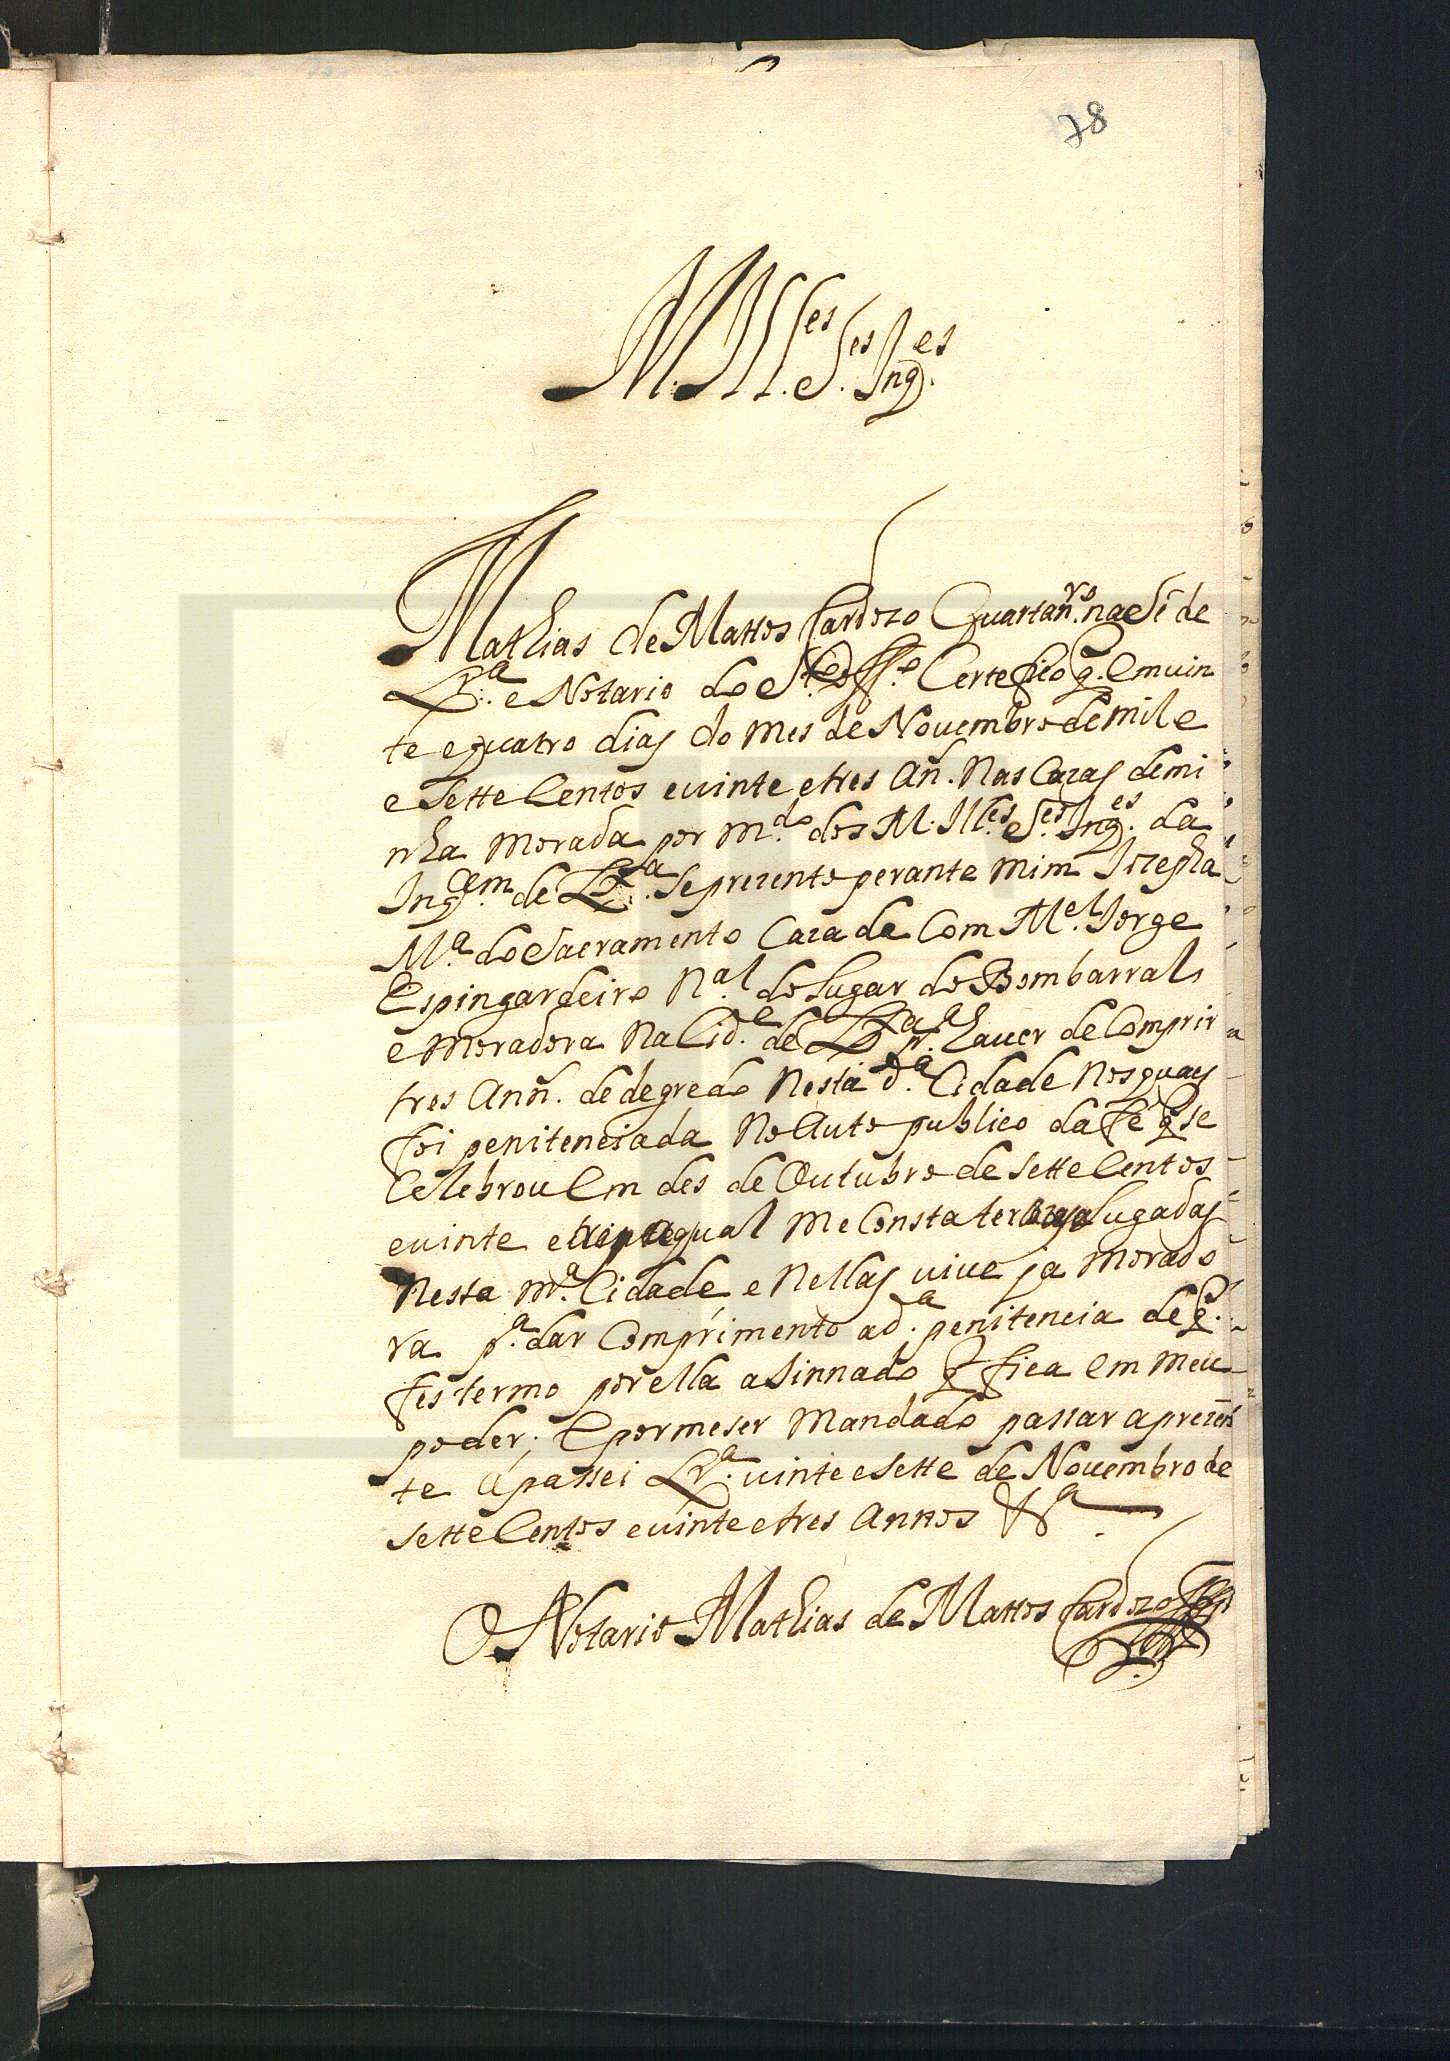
M. Ill.es S.es Inq.es
Mathias de Mattos Cardozo Quartan.ro na Sé de
Lr.a e Notario do S.to off.o Certefico q̄ em uin
te e quatro dias do mes de Nouembro de mil e
e setteCentos e uinte e tres an.s nas cazas de mi
nha morada por m.do dos M. Ill.es S.es Inq.es da
Inq.çam de Lx.a se prezento perante mim Iozepha
M.a do Sacramento Cazada Com M.el Iorge
Espingardeiro N.al do lugar do Bombarral
e moradora na Cid.e de Lx.a p.a hauer de Comprir
tres ann.s de degredo nesta d.a Cidade nos quaes
foi penitenciada no Auto publico da fé q̄ se
Celebrou Em des de Outubro de setteCentos
e uinte e tres a qual me Consta ter casas alugadas
nesta m.a Cidade, e nellas uiue ja morado
ra p.a dar Comprimento a d.a penitencia de q̄.
fes termo por ella asinnado q̄ fica em meu
poder; E por me ser mandado passar a prezen
te a passei Lr.a uinte e sette de Nouembro de
setteCentos e uinte e tres annos &a.
O Notario Mathias de Mattos Cardozo
